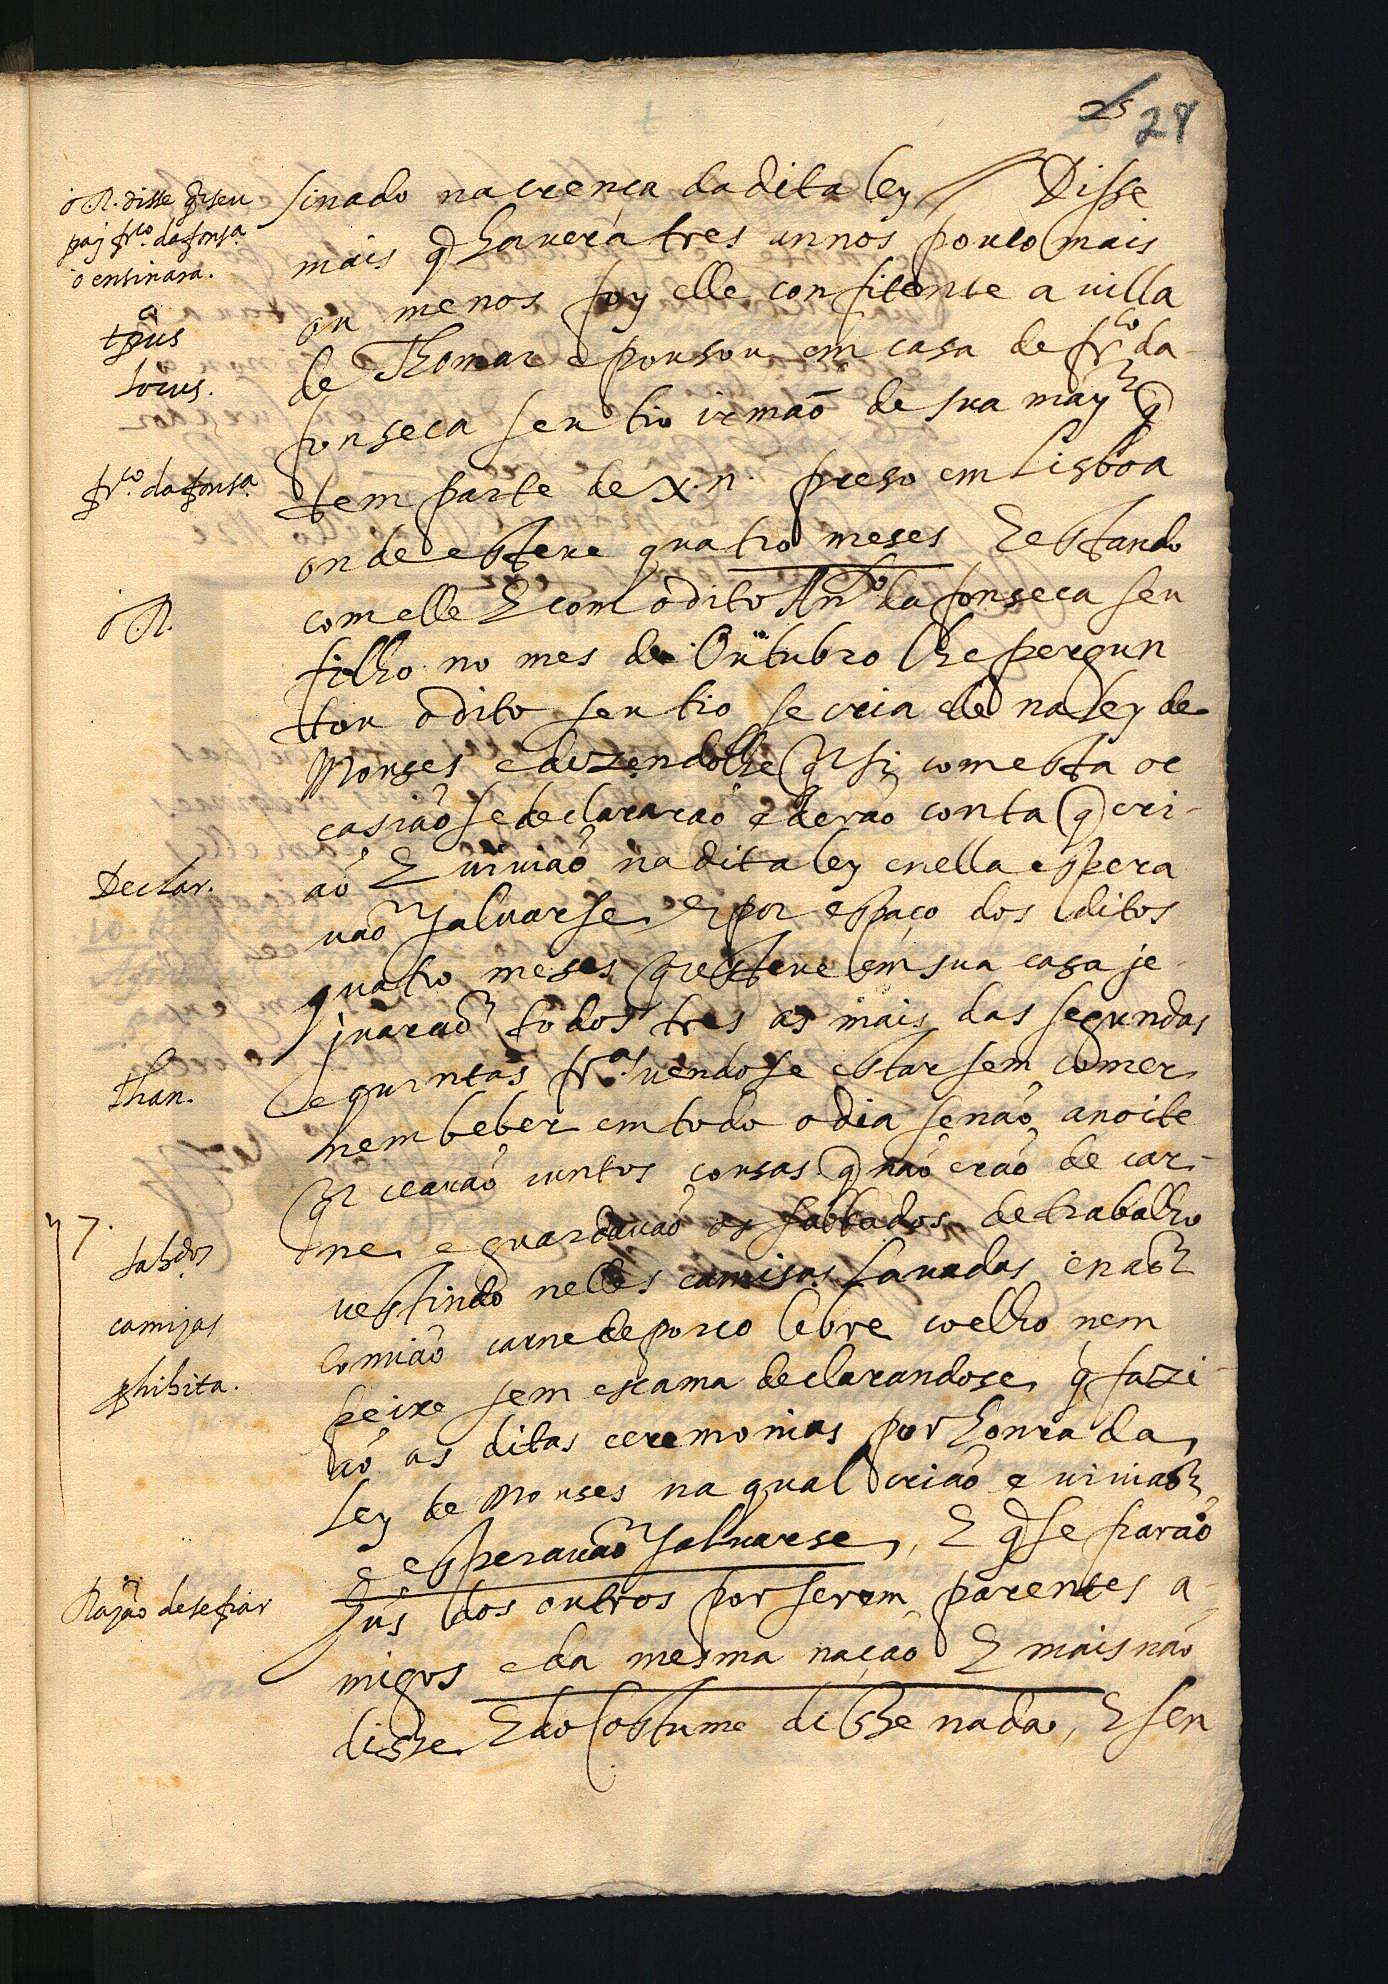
o R. disse q̄ seu
sinado na crença da dita ley // Disse
paj frc.o da fonsa.
mais q̄ hauerá tres annos pouco mais
o ensinara.
ou menos foy elle confitente a uilla
tp̄us
de Thomar, e pousou em casa de frco da
locus.
fonseca seu tio irmaõ de sua maȳ q̄
tem parte de x. n. preso em Lisboa
fr.co da fonsa.
onde esteue quatro meses E estando
com elle E com o dito Anto da fonseca seu
o R.
filho no mes de Outubro lhe pergun
tou o dito seu tio se cria elle na ley de
Mouses e dizendolhe q̄ si com esta oc
casiaõ se declararaõ e derão conta q̄ cri
aõ E uiuiaõ na dita ley e nella espera
Declar.
uaõ saluarse E por espaço dos ditos
quatro meses q̄ esteue em sua casa je
juaraõ todos tres as mais das segundas
e quintas fr.as uendose estar sem comer
Than.
nem beber em todo o dia senaõ a noite
q̄ cearaõ iuntos cousas q̄ naõ eraõ de car
ne e guardauaõ os sabbados de trabalho
sab.dos
uestindo nelles camisas Lauadas e naõ
comiaõ carne de porco lebre coelho nem
camizas
peixe sem escama declarandose q̄ fazi
ꝓhibita.
aõ as ditas ceremonias por honrada
Ley de Mouses na qual criaõ e uiuiaõ
q̄ esperauão saluarse, E q̄ se fiaraõ
hūs dos outros por serem parentes a
Razaõ de se fiar
migos e da mesma nação E mais naõ
disse. E do Costume disse nada, E sen
